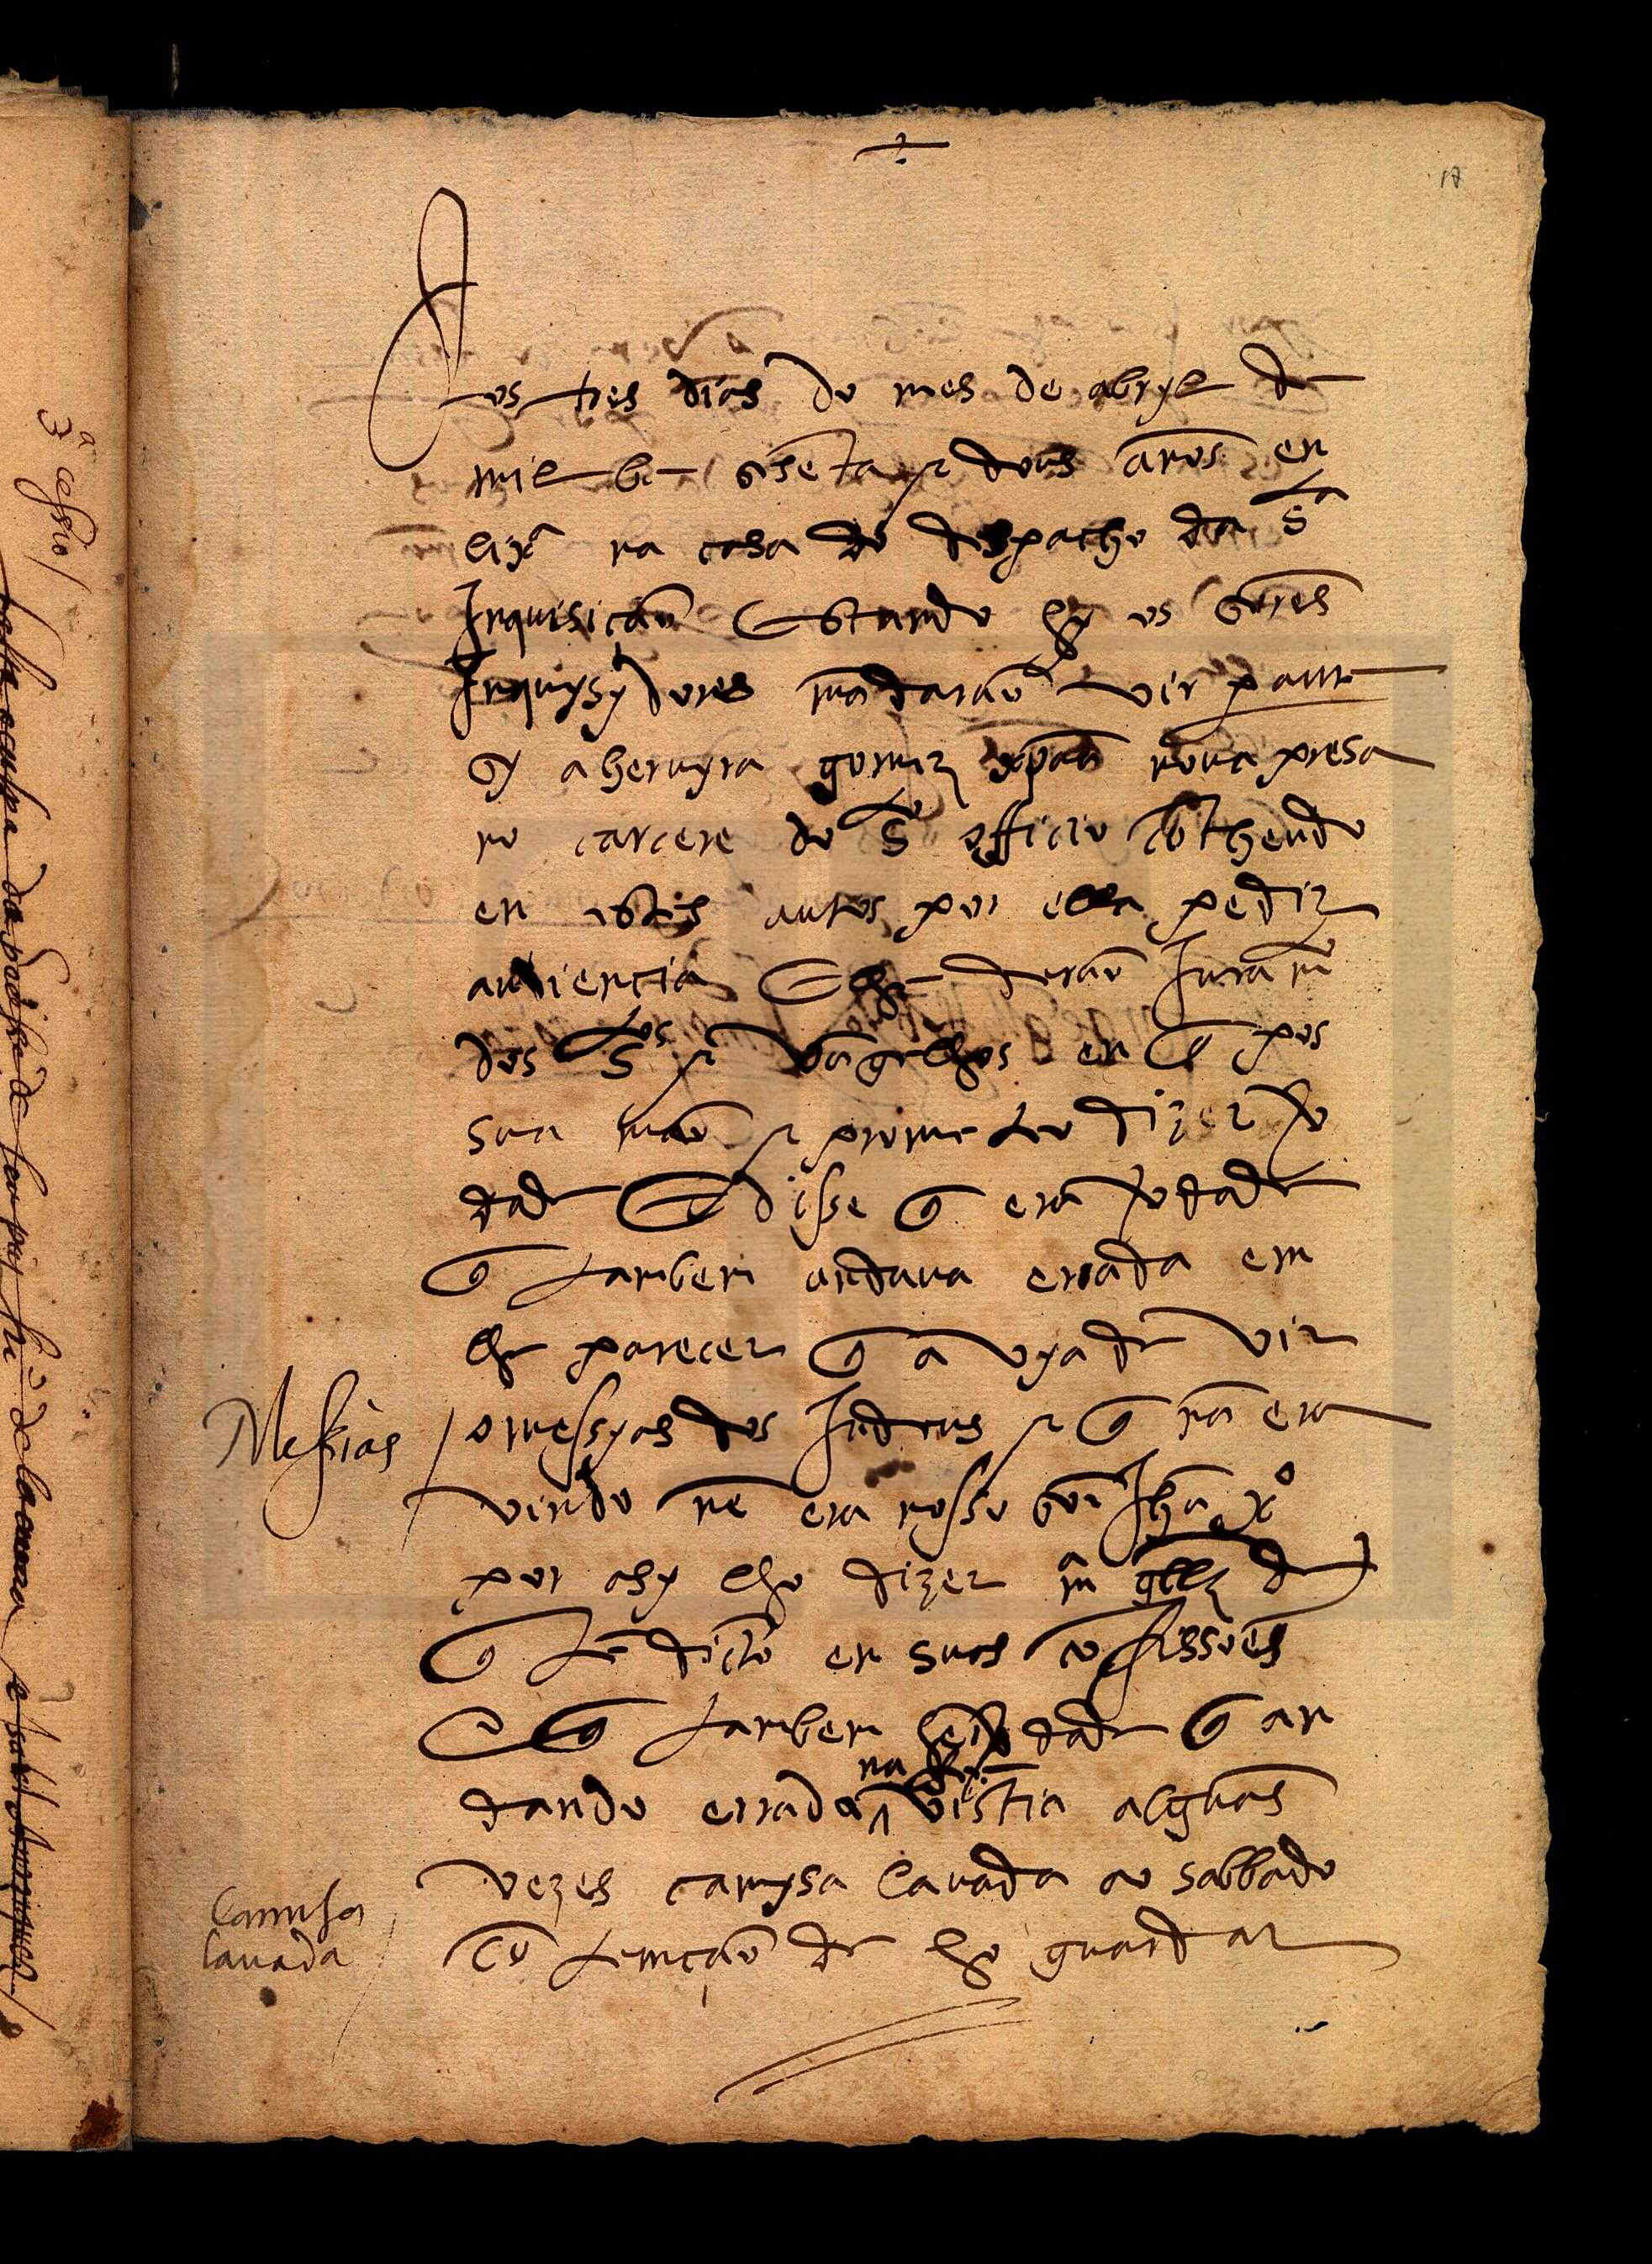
Messias
Camisa
lauada
Aos tres dias do mes de abryl de
mil bc sesēta e dous an̄os en
lixa na casa do despacho da Sta
Jnquisiçaõ Estando hy os sōres
Jnquysydores mādaraõ vir ꝑante
sy a heruyra gomez xpāa noua presa
no carcere do Sto officio cōtheudo
en estes autos por ella pedir
audiencia E lhe deraõ Juramto
dos Stos evāgelhos en q̄ pos
sua maõ e prometeo dizer ꝟ
dade E dise q̄ era ꝟdade
q̄ tambem andaua errada em
lhe parecer q̄ avya de vir
o messyas dos Judeus e q̄ nā era
vindo nē era nosso sōr Jhū xo
por asy lho dizer ma ḡllz de
q̄ tē dict̄o en suas cōfissoẽs
e q̄ tambem he ꝟdade q̄ an
dando errada
na fee
vistia alguās
vezes camysa lauada ao sabbado
cō temçaõ de ho guardar
